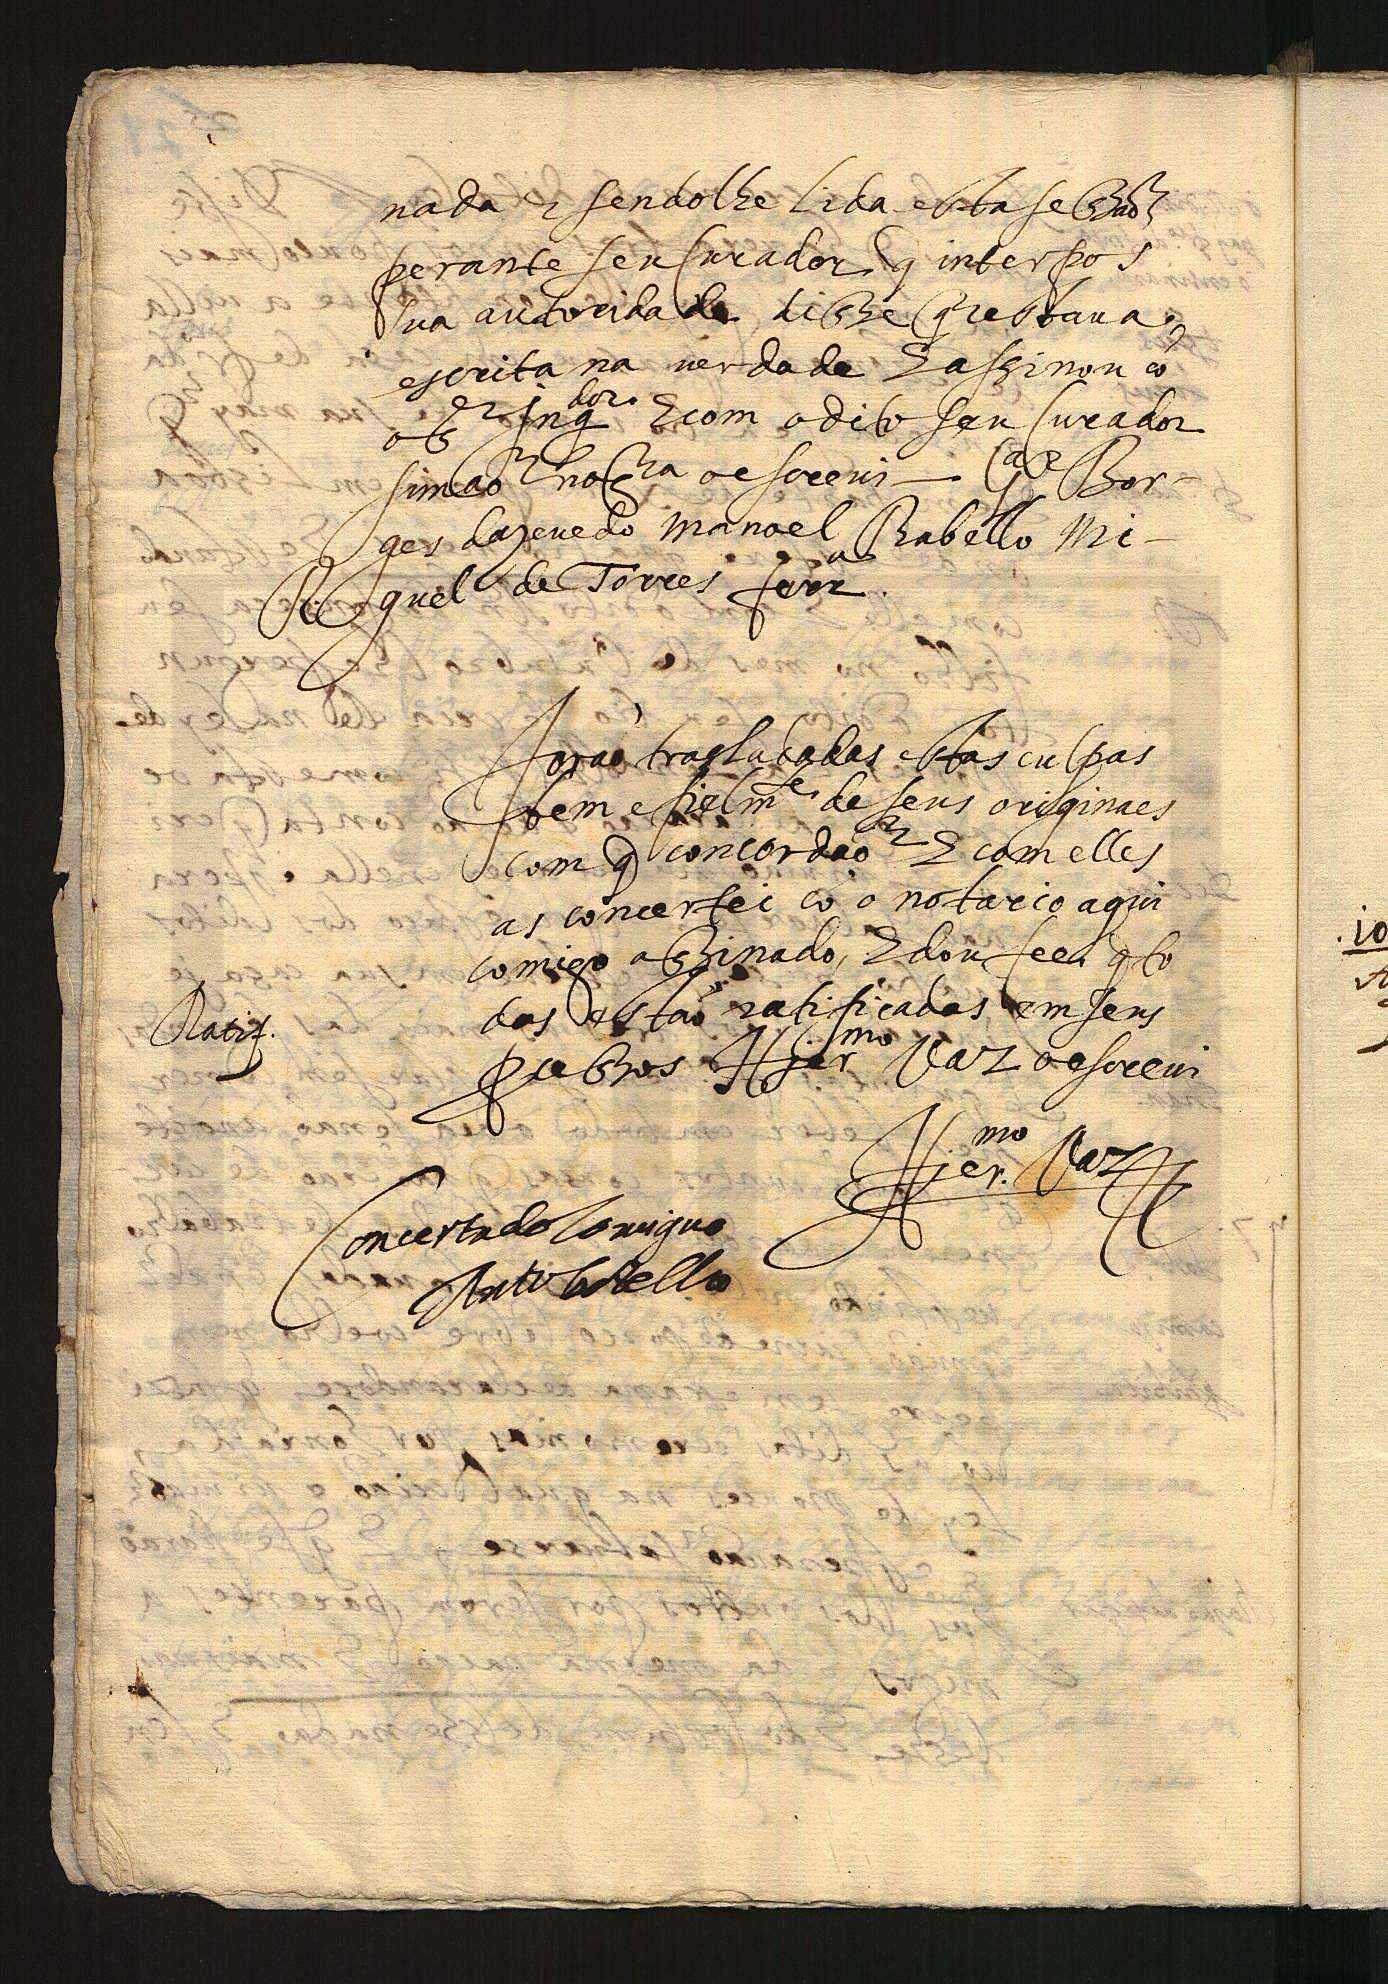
nada E sendolhe lida esta sessaõ
perante seu Curador q̄ interpos
sua autoridade disse q̄ estaua
escrita na uerdade E assinou cō
o sor Jnqdor E com o dito seu Curador
Simão nogra o escreui Gar Bor
ges dazeuedo manoel Rabello Mi
R.
guel de Torres ferra
foraõ trasladadas estas culpas
bem e fielmte de seus originaes
com q̄ concordaõ E com elles
as concertei cō o notario aqui
comigo assinado, E dou fee q̄ to
das estaõ ratificadas em seus
Ratif.
ꝓcessos Hjermo Vaz o escreui
Hjermo Vaz
Concertado comiguo
Anto botelho
